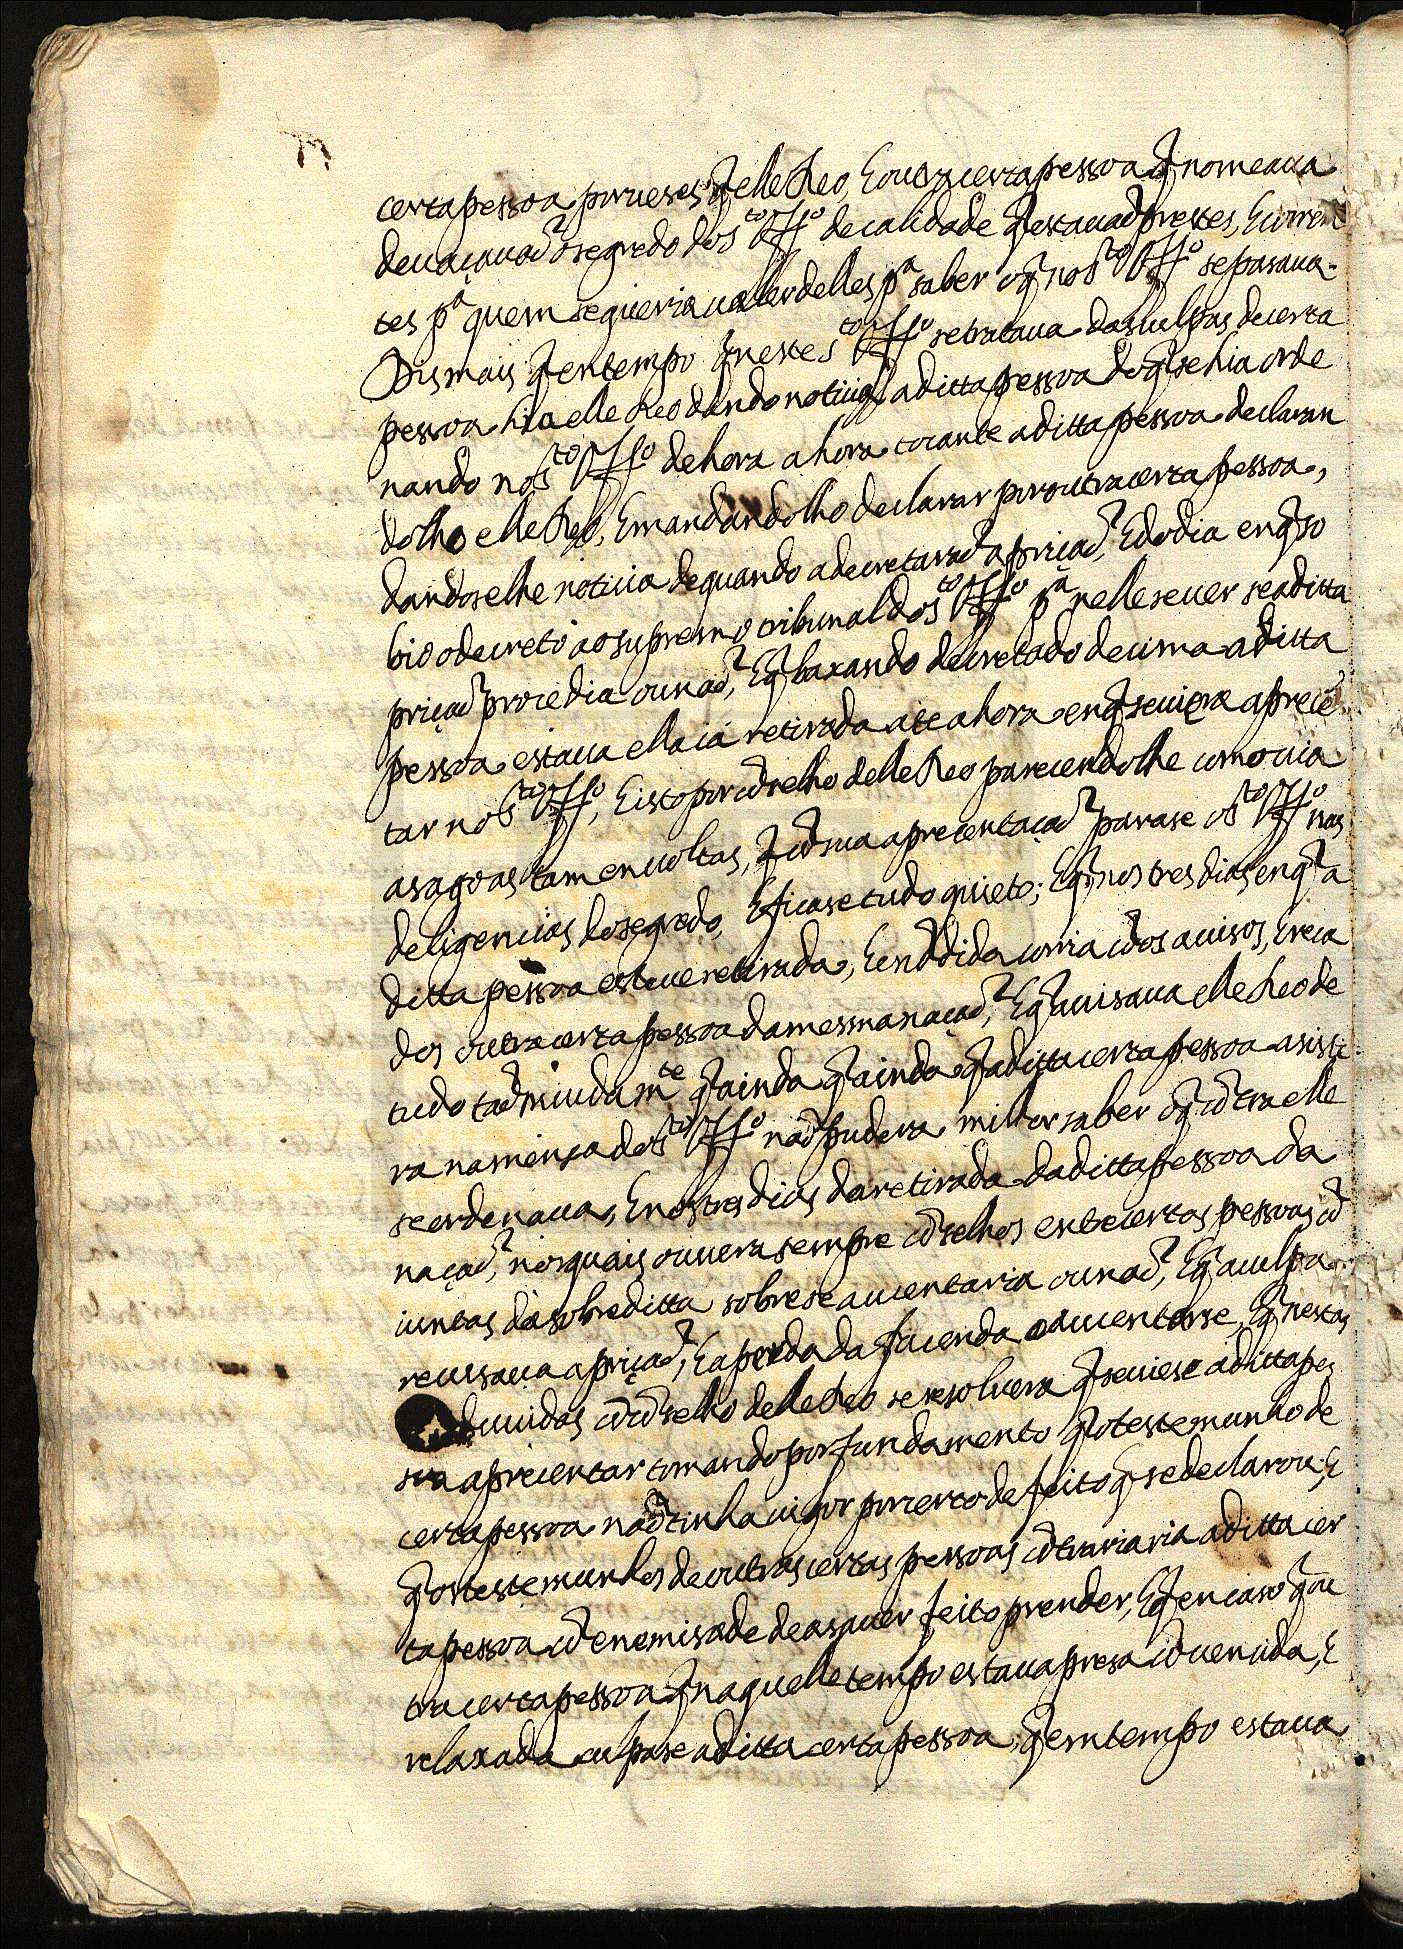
certa pessoa por ueses q̄ elle Reo, houera certa pessoa q̄ nomeaua
deuaçauaõ o segredo do sto offo de calidade q̄ estauaõ prestes, E corren
tes pa quem se queria ualler delles pa saber o q̄ no sto Offo se pasaua
Dis mais q̄ en tempo q̄ neste sto Offo se trataua das culpas de certa
pessoa hia elle Reo dando noticia a ditta pessoa do q̄ se hia orde
nando no sto Offo de hora a hora tocante a ditta pessoa declaran
dolho elle Reo, E mandandolho declarar por outra certa pessoa,
dandoselhe noticia de quando a decretaraõ a priçaõ, E do dia en q̄ so
bio o decreto do supremo tribunal do sto Offo pa nelle reuer se a ditta
priçaõ procedia ou naõ, E q̄ baxando decretado de cima a ditta
pessoa estaua ella iá retirada atè a hora en q̄ se uiera aprecē
tar no sto Offo, E isto por cōselho delle Reo parecendolhe como uia
as agoas tam enuoltas, q̄ cō sua aprezentaçaõ parase o sto Offo nas
deligencias de segredo, E ficase tudo quieto; E q̄ nos tres dias en q̄ a
ditta pessoa esteue retirada, E escōdida corria cō os auisos, E reca
dos outra certa pessoa da mesma naçaõ, E q̄ auisaua elle Reo de
tudo taõ muidamte q̄ ainda q̄ ainda q̄ a ditta certa pessoa asisti
ra na mensa do sto Offo naõ pudera milhor saber o q̄ cōtra elle
se ordenaua, E nos tres dias da retirada da ditta pessoa da
naçaõ, nos quais ouuera sempre cōselhos entre certas pessoas cō
iuntas da sobreditta sobre se ausentaria ou naõ, E q̄ a culpa
recusaua a priçaõ, E aperda da facenda aucentarse, E q̄ nestas
duuidas cō cōselho delle Reo se resoluera q̄ se uiese a ditta pes
soa aprecentar tomando por fundamento q̄ o testemunho de
certa pessoa naõ tinha uigor por certo defeito q̄ se declarou, E
q̄ os testemunhos de outras certas pessoas cōtrariaria a ditta cer
ta pessoa cō enemisade de as auer feito prender, E q̄ en caso q̄ ou
tra certa pessoa q̄ naquelle tempo estaua presa cōuencida, E
relaxada culpase a ditta certa pessoa, q̄ em tempo estaua
